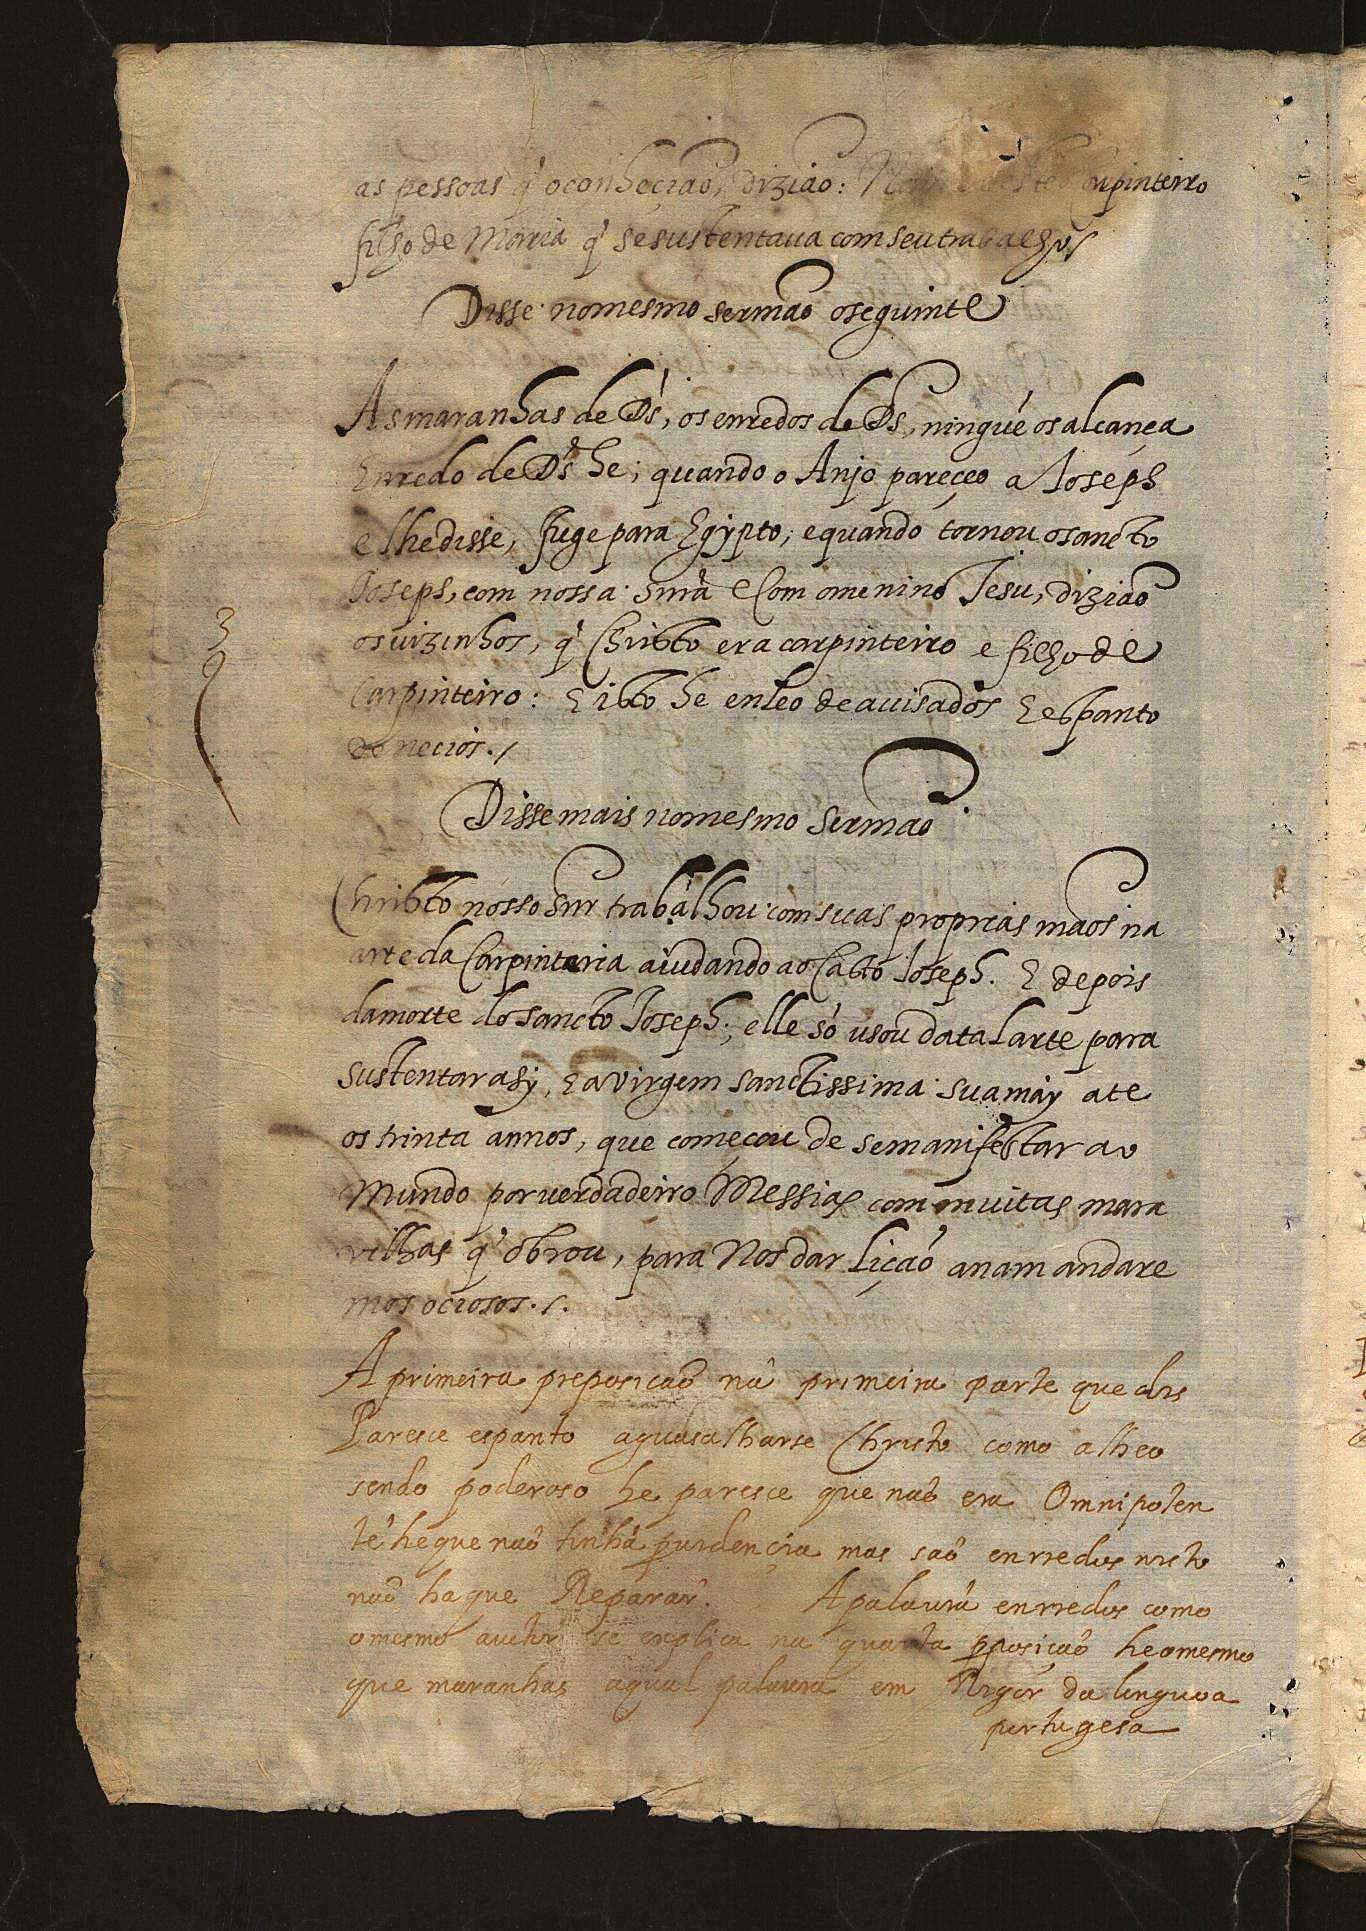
as pessoas q̄ o conhecião dizião: Nam _ este Carpinteiro
filho de maria q̄ se sustentaua com seu trabalho /
Disse no mesmo sermão o seguinte
As maranhas de Ds̄, os enredos de Ds̄ ninguē os alcança
Enredo de Ds̄ he; quando o Anjo pareceo a Ioseph
e lhe disse, fuge para Egypto, e quando tornou o sancto
Ioseph, com nossa Snrā e Com o menino Iesu, dizião
os uizinhos, q̄ Christo era carpinteiro e filho de
carpinteiro: E isto he enleo de auisados E espanto
de necios. /
Disse mais no mesmo sermão
Christo nosso s̄nr trabalhou com suas proprias mãos na
arte da Carpintaria aiudando ao Casto Ioseph. E depois
da morte do sancto Ioseph; elle só usou da tal arte para
sustentar a sy E a virgem sanctissima sua may ate
os trinta annos, que começou de se manifestar ao
mundo por uerdadeiro Messias com muitas mara
vilhas q̄ obrou, para nos dar liçaõ a nam andare
mos ociosos. /.
A primeira preposiçaõ na primeira parte que dis
Parece espanto aguasalharse Christo como alheo
sendo poderoso he paresce que naõ era Omnipoten
te he que naõ tinha ꝓuidencia mas saõ enrredos nisto
naõ ha que Reparar. A palaura enrredos como
o mesmo auctor se explica na quarta ꝓposiçaõ he o mesmo
que maranhas a qual palaura em Rigor da linguoa
portugesa
